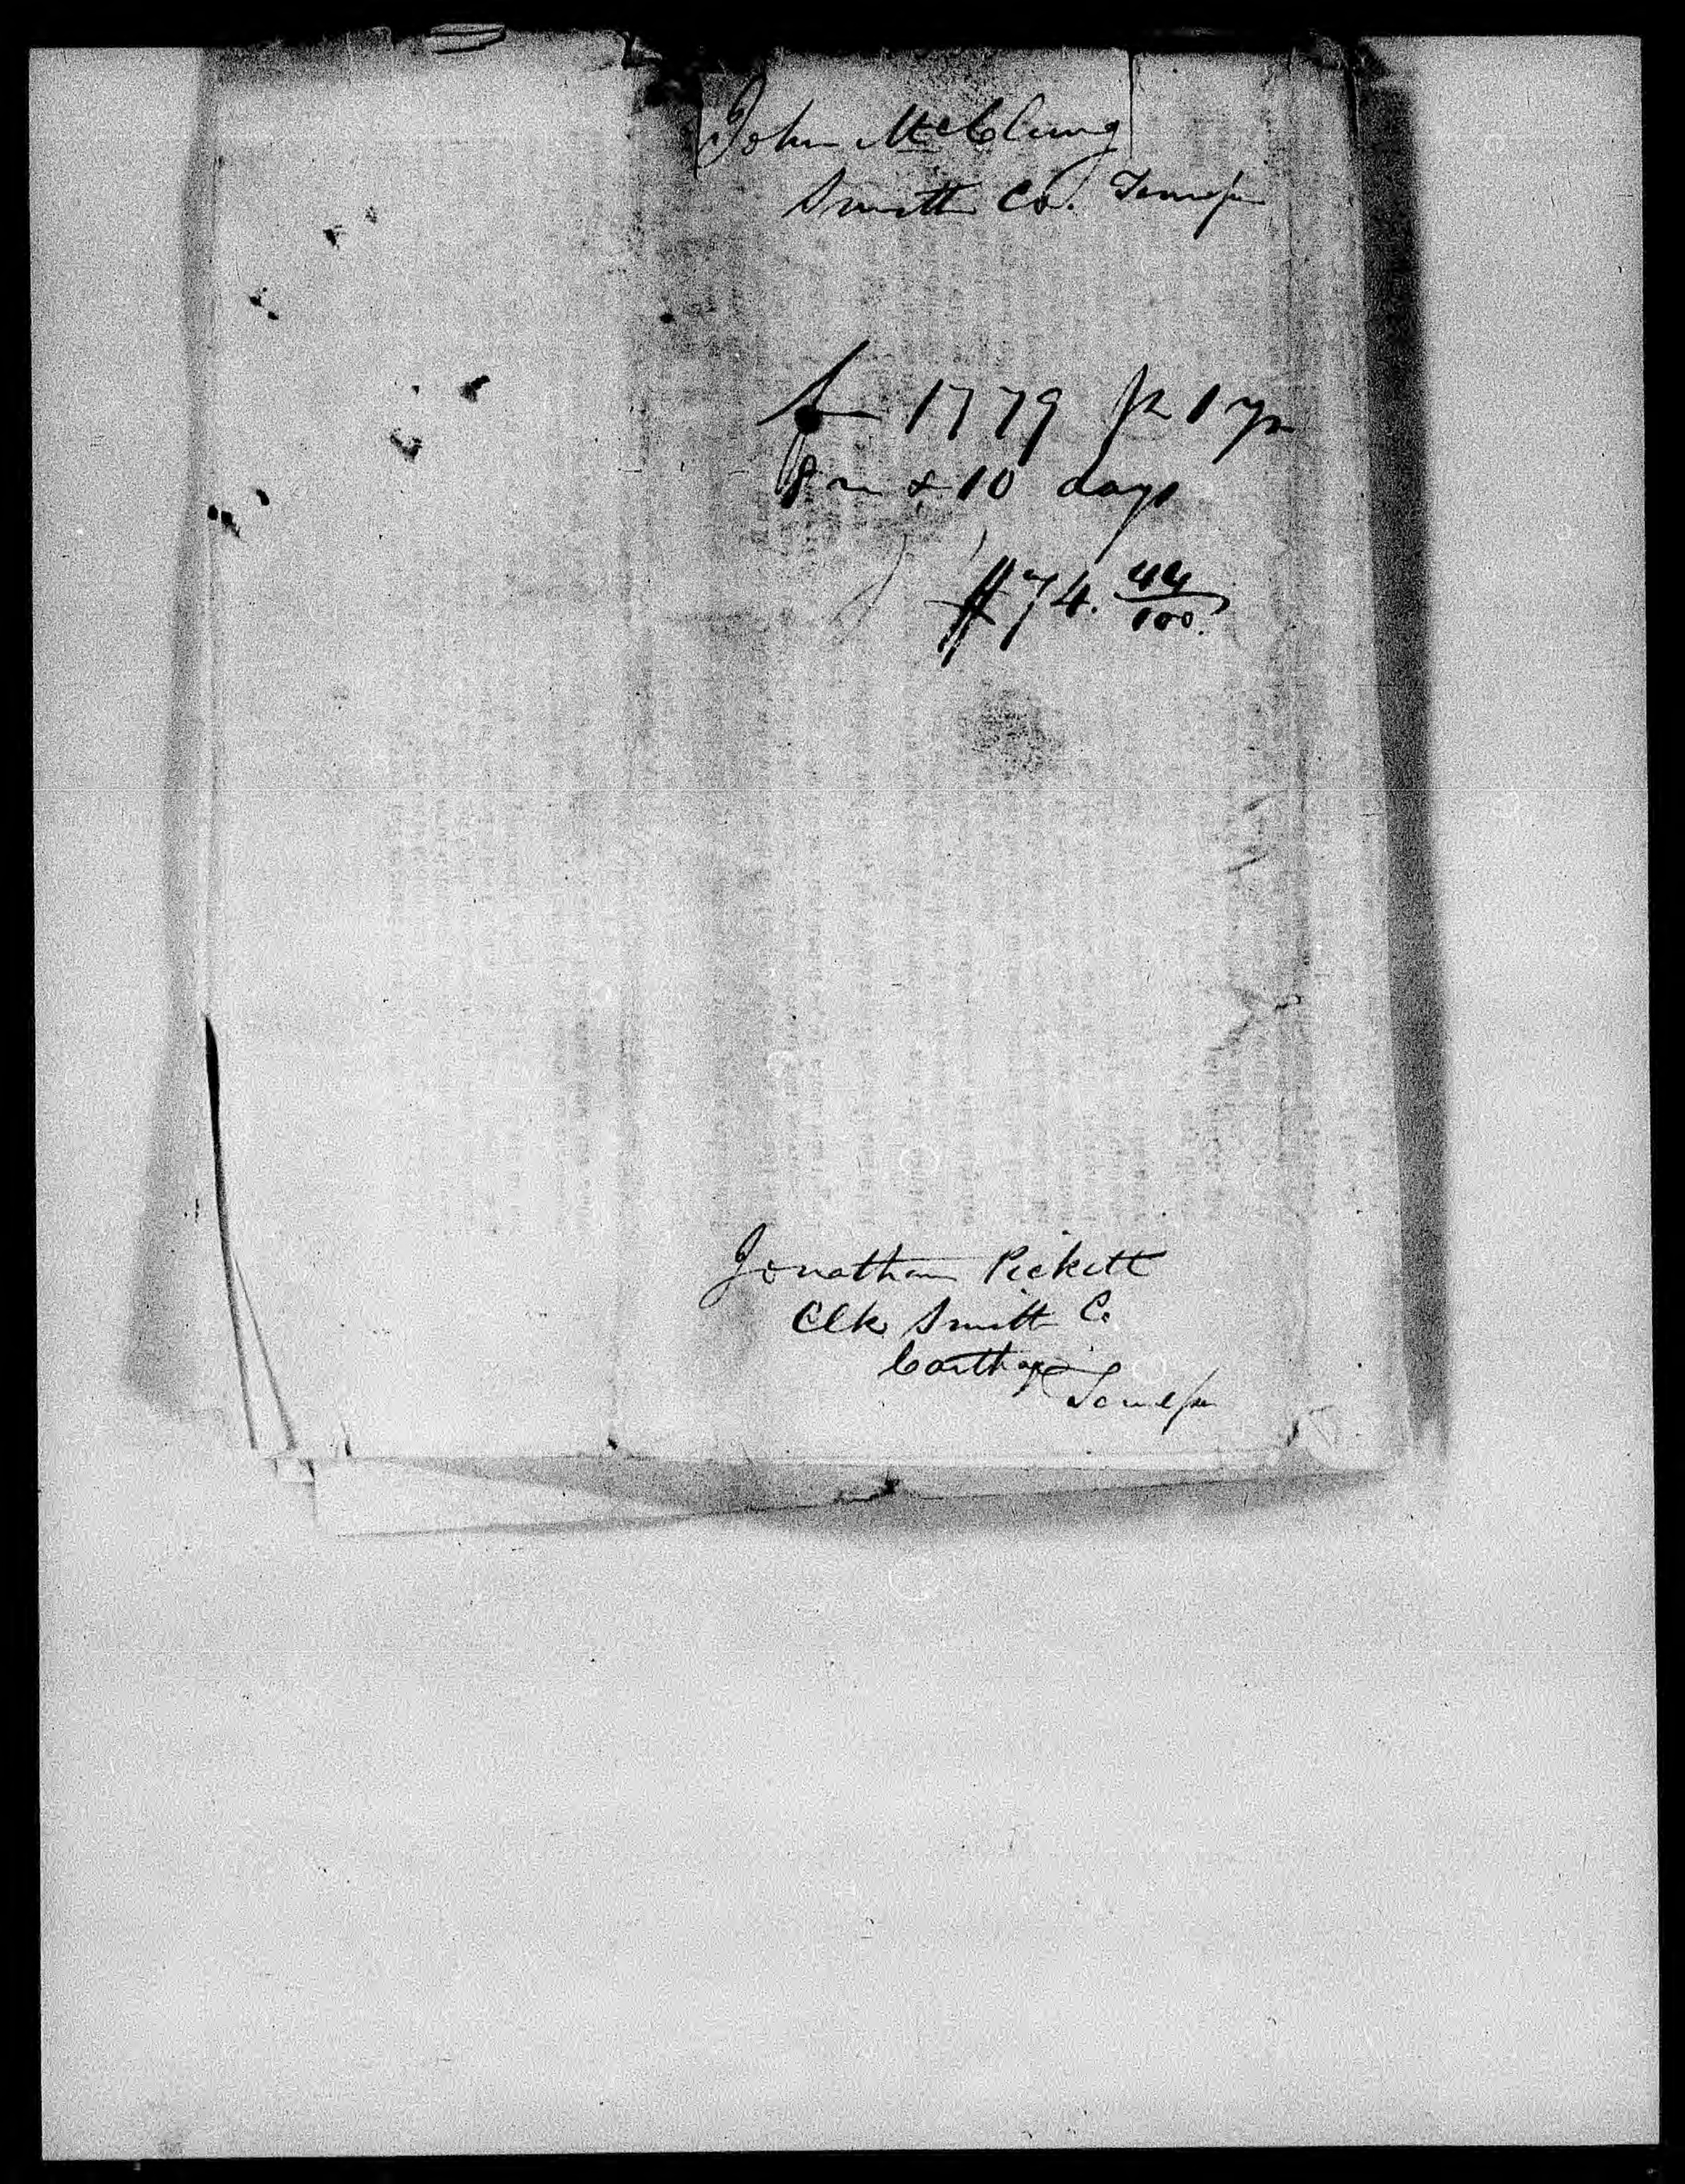John McClung 
Smith Co. Tennessee 

for 1779 pvt 1 yr
8 m & 10 days 
$74.44/100

Jonathan Pickett 
Clk Smith Co
Carthage 
Tennessee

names: Jonathan Pickett; John Mc Clung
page: 5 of 115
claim: widow's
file: W. 1446, for John Mc Clung, South Carolina